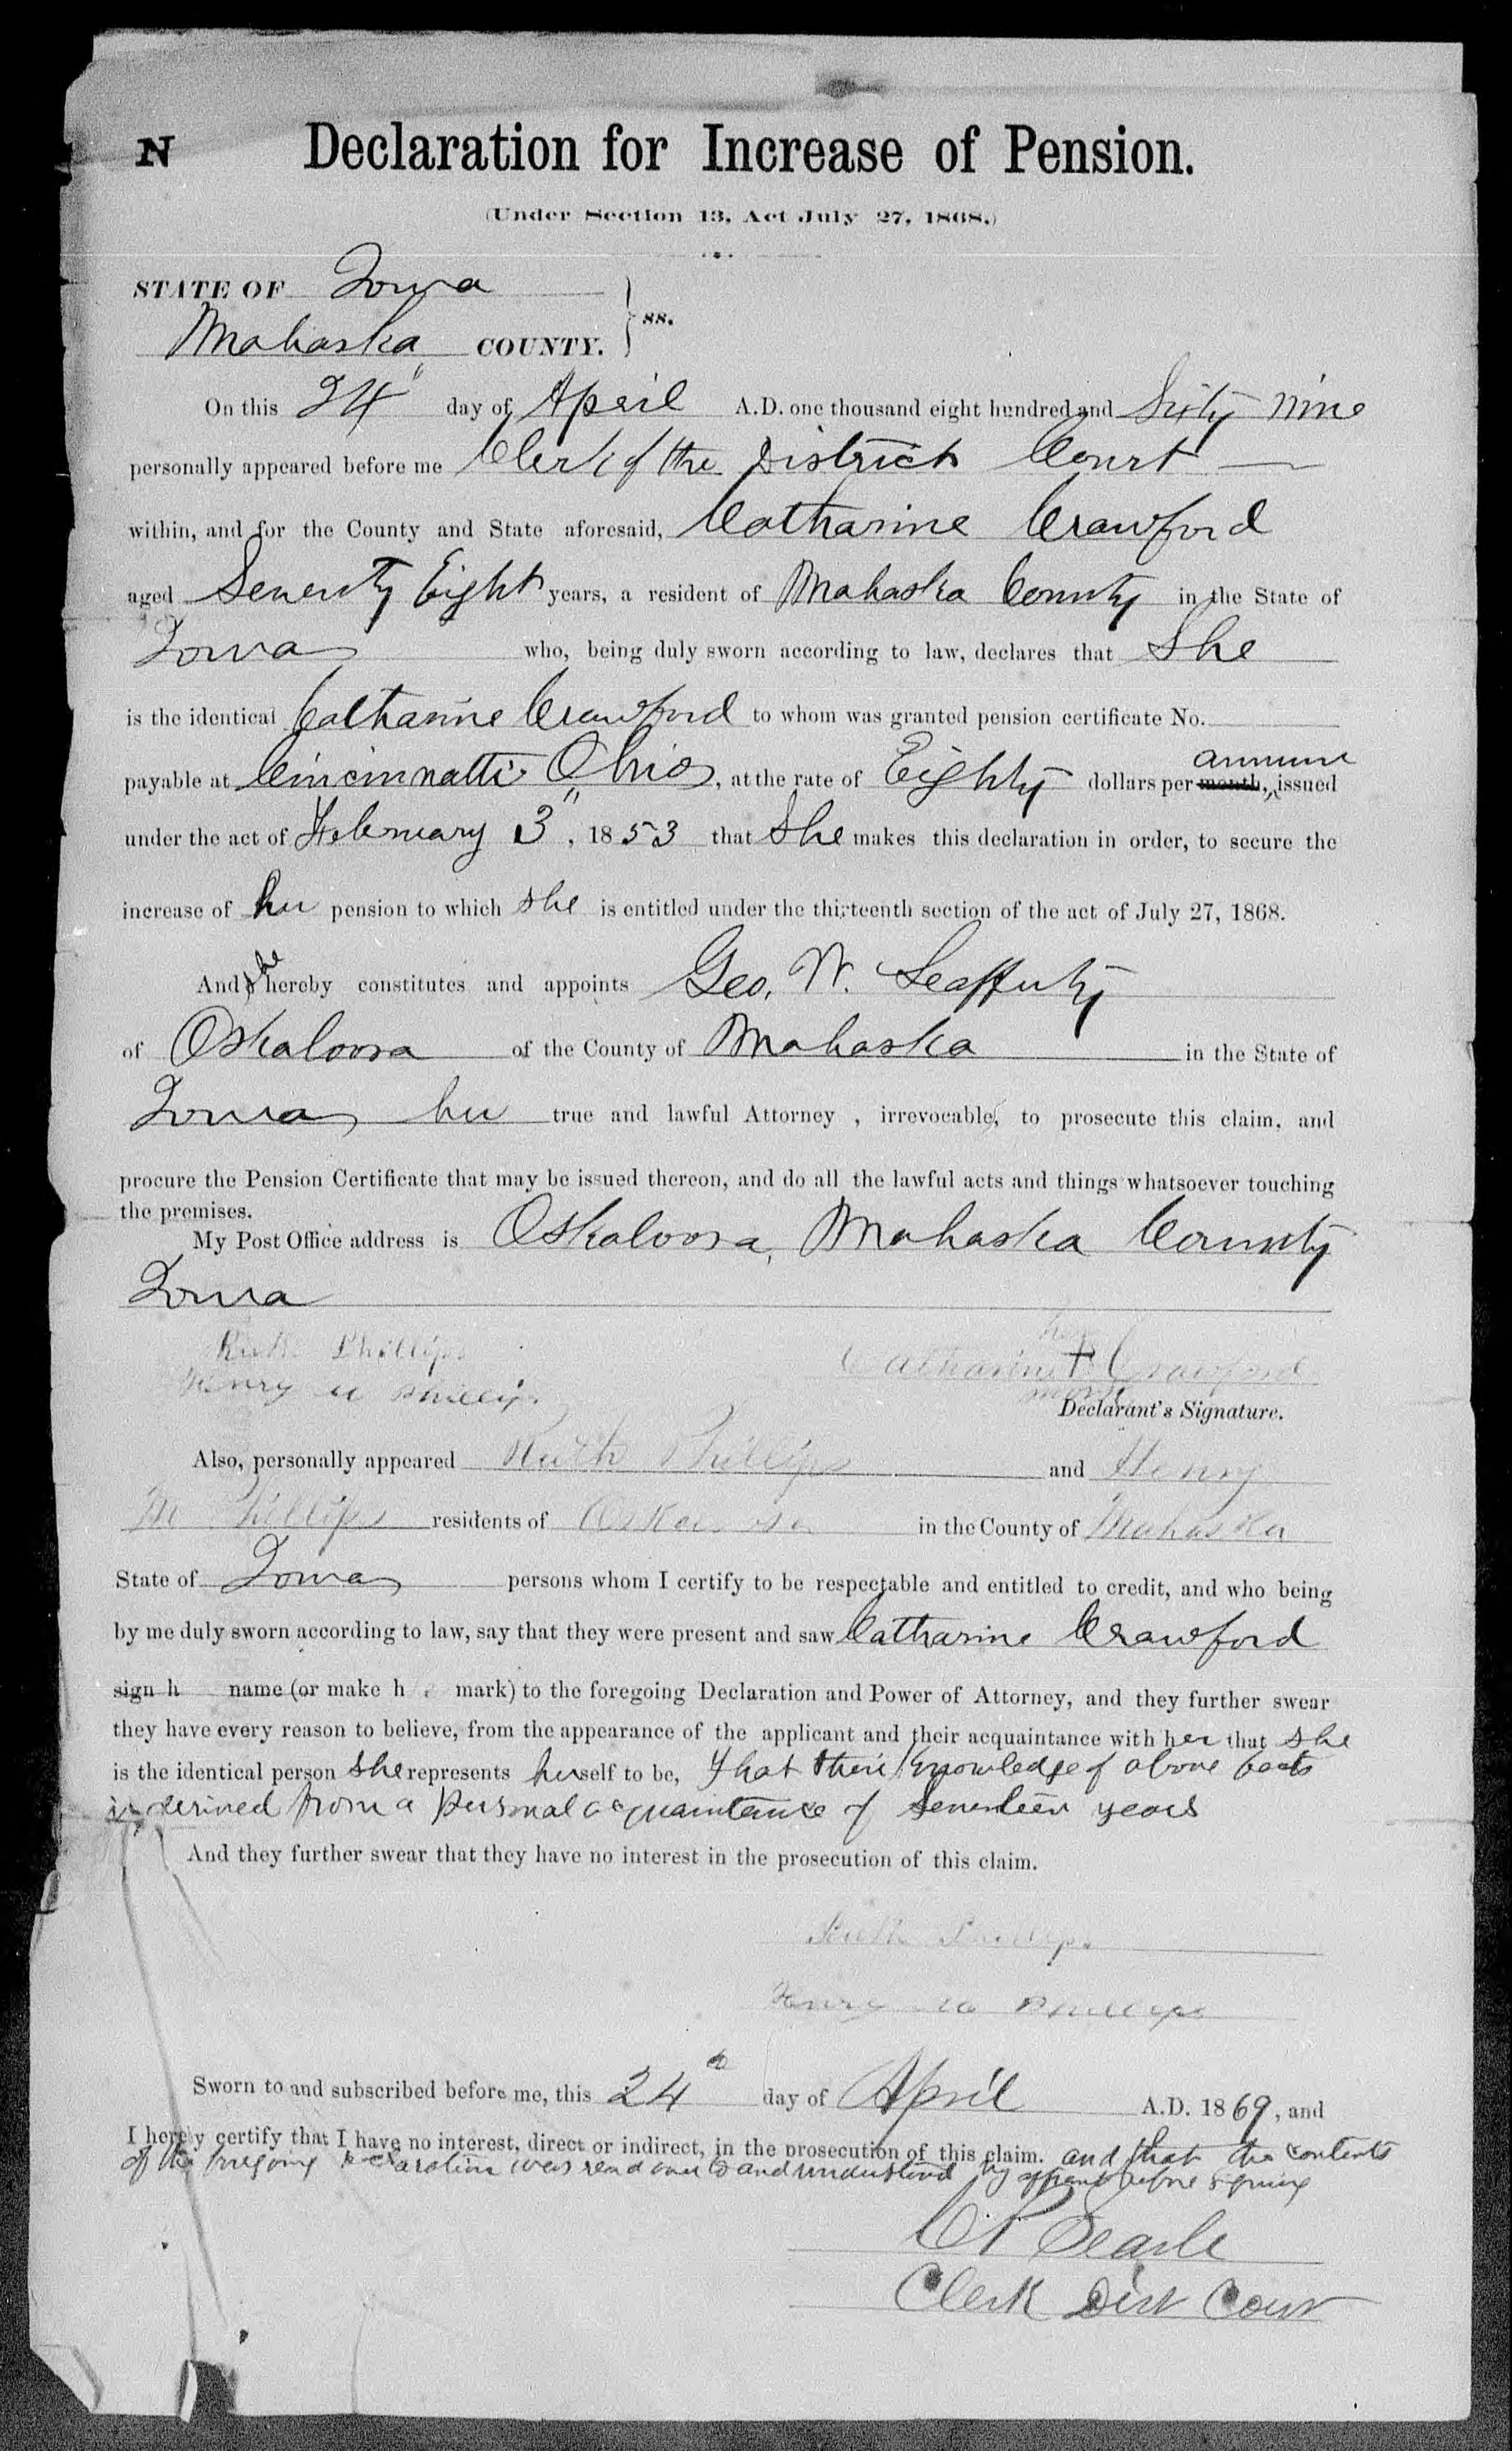Declaration for Increase of Pension.
Under Section 13, Act July 27, 1808.

STATE OF Iowa
Mahaska COUNTY
On this 24 day of April A. D. one thousand eight hundred and sixty-nine, personally appeared before me Clerk of the District Court
within and for the County and State aforesaid, Catharine Crawford, aged Seventy-Eight years, a resident of Mahaska County in the State of
Iowa, who, being duly sworn according to law, declares that she is the identical Catharine Crawford to whom was granted pension certificate No. _____, payable at Cincinnatti, at the rate of Eighty dollars per annum, issued
under the act of February 3, 1853, that she makes this declaration in order to secure the
increase of her pension to which she is entitled under the thirteenth section of the act of July 27, 1868.
And she thereby constitutes and appoints Geo. W. Lafferty of Oklahoma of the County of Mahaska in the State of Iowa her true and lawful Attorney, irrevocable, to prosecute this claim, and procure the Pension Certificate that may be issued thereon, and do all the lawful acts and things whatsoever touching the premises.
My Post Office address is Oskaloosa, Mahaska County, Iowa

Ruth Phillips
Henry M. Phillips

Catherine Crawford
Declarant's Signature

Also, personally appeared Ruth Phillips and Henry M. Phillips, residents of Oklahoma in the Couty of Mahaska in the State of Iowa, persons whom I certify to be respectable and entitled to credit, and who being by me by me duly sworn according to law, say that they were present and saw Catharine Crawford sign her name (or make her mark) to the foregoing Declaration and Power of Attorney, and they further swear they have every reason to believe, from the appearance of the affiant and their acquaintance with her that she is the identical person she represents herself to be, that their knowledge of above facts is derived from a personal acquaintance of seventeen years
And they further swear that they have no interest in the prosecution of this claim.
Ruth Phillips
Henry M. Phillips

Sworn to and subscribed before me, this 24th
of day of April A. D. 1869, and I hereby certify that I have no interest, direct or indirect, in the prosecution of this claim, and that the contents
of the foregoing declaration was read and to and understand by the affiant Signing.
C.R. Searle
Clerk District Court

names: Geo W Lafferty, Catharine Crawford, Catharine Crawford, Catharine Crawford, Ruth Phillips, Ruth Phillips, Henry M Phillips, Catharine Crawford, C R Searle, Henry M Phillips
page: 27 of 80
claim: widow's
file: W 2070, John Crawford, Penn.